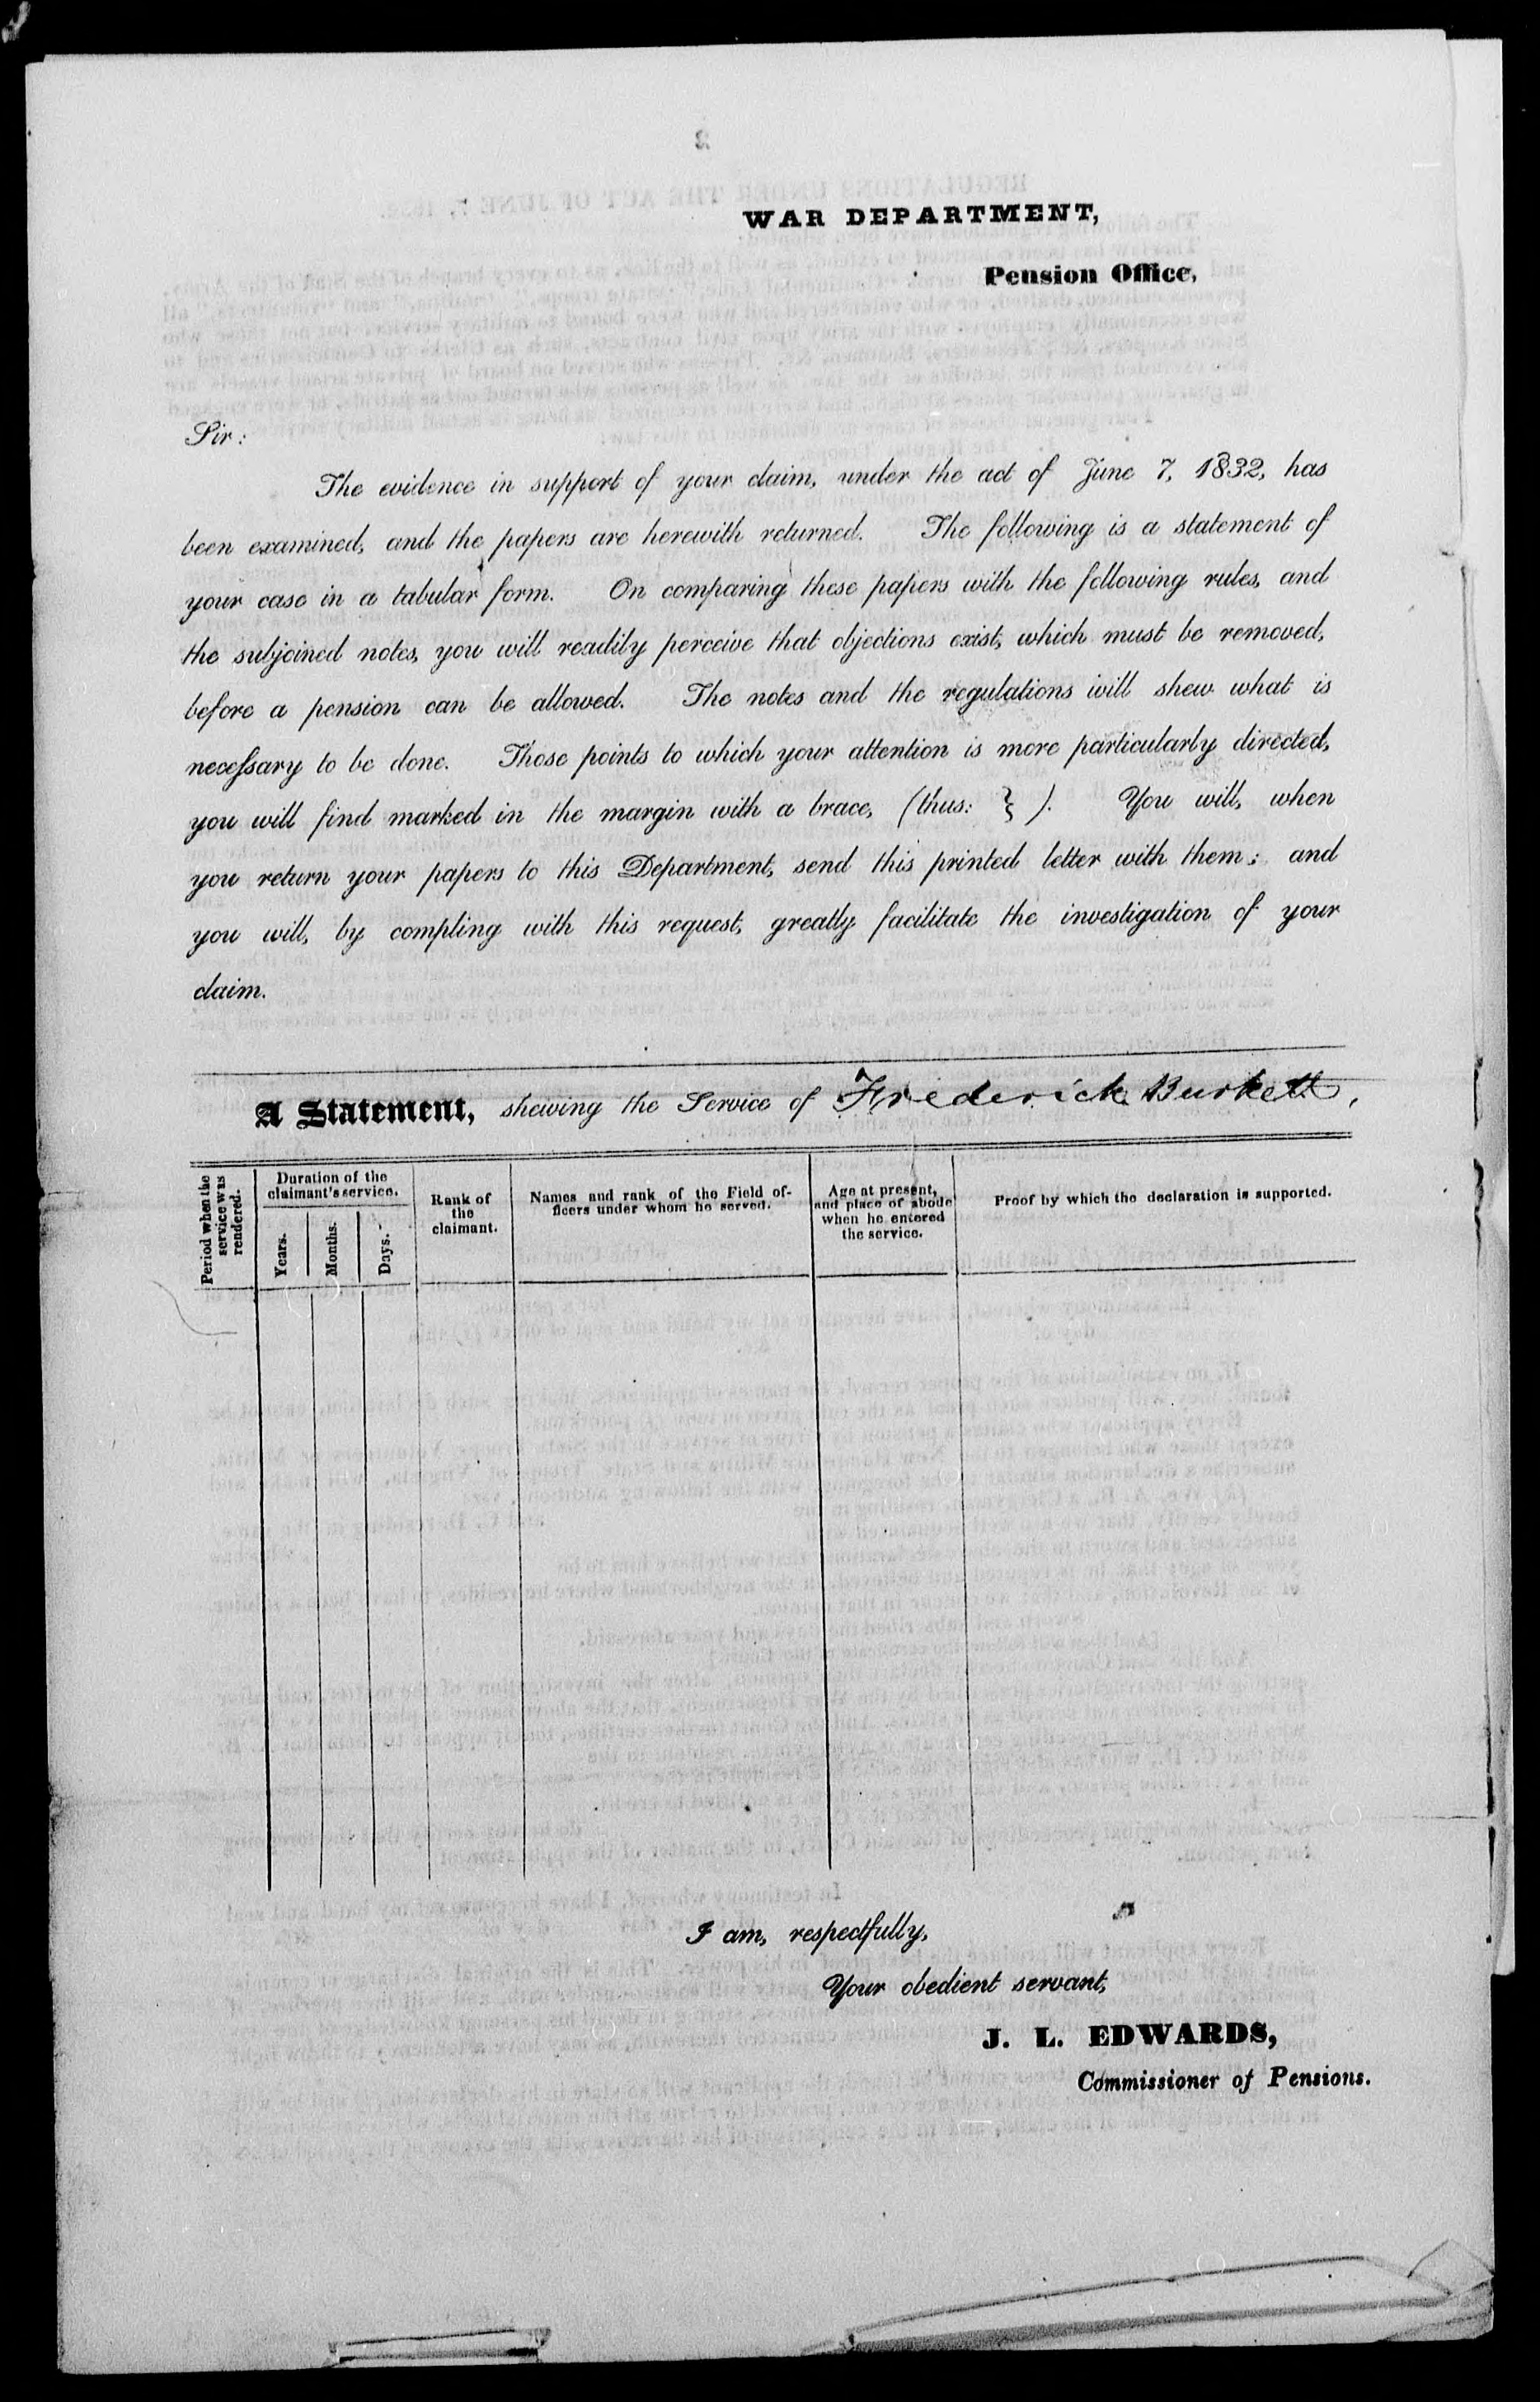WAR DEPARTMENT
Pension Office,
Sir:
The evidence in support of your claim, under the act of June 7, 1832, has been examined, and the papers are herewith returned.  The following is a statement of your case in a tabular form.  On comparing these papers with the following rules, and the subjoined notes, you will readily perceive that objections exist, which must be removed, before a pension can be allowed.  The notes and the regulations will shew what is necessary to be done. Those points to which your attention is more particularly directed, you will find marked in the margin with a brace, (thus: }).  You will, when your return your papers to this Department, send this printed letter with them; and you will, by compling with this request, greatly facilitate the investigation of your claim.

A Statement, shewing the Service of Frederick Burkett,
(the following is in column format)
Period when the service was rendered.
Duration of the claimant’s service. Years/Months/Days
Rank of the claimant.
Names and rank of the Field officers under whom he served.
Age at present, and place of abode when he entered the service.
Proof by which the declaration is supported.

I am respectfully, 
Your obedient servant,
J. L. Edwards,
Commissioner of Pensions.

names: Frederick Burkett, J L Edwards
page: 11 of 47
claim: survivor's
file: S. 3102, Frederick Burket, Va.